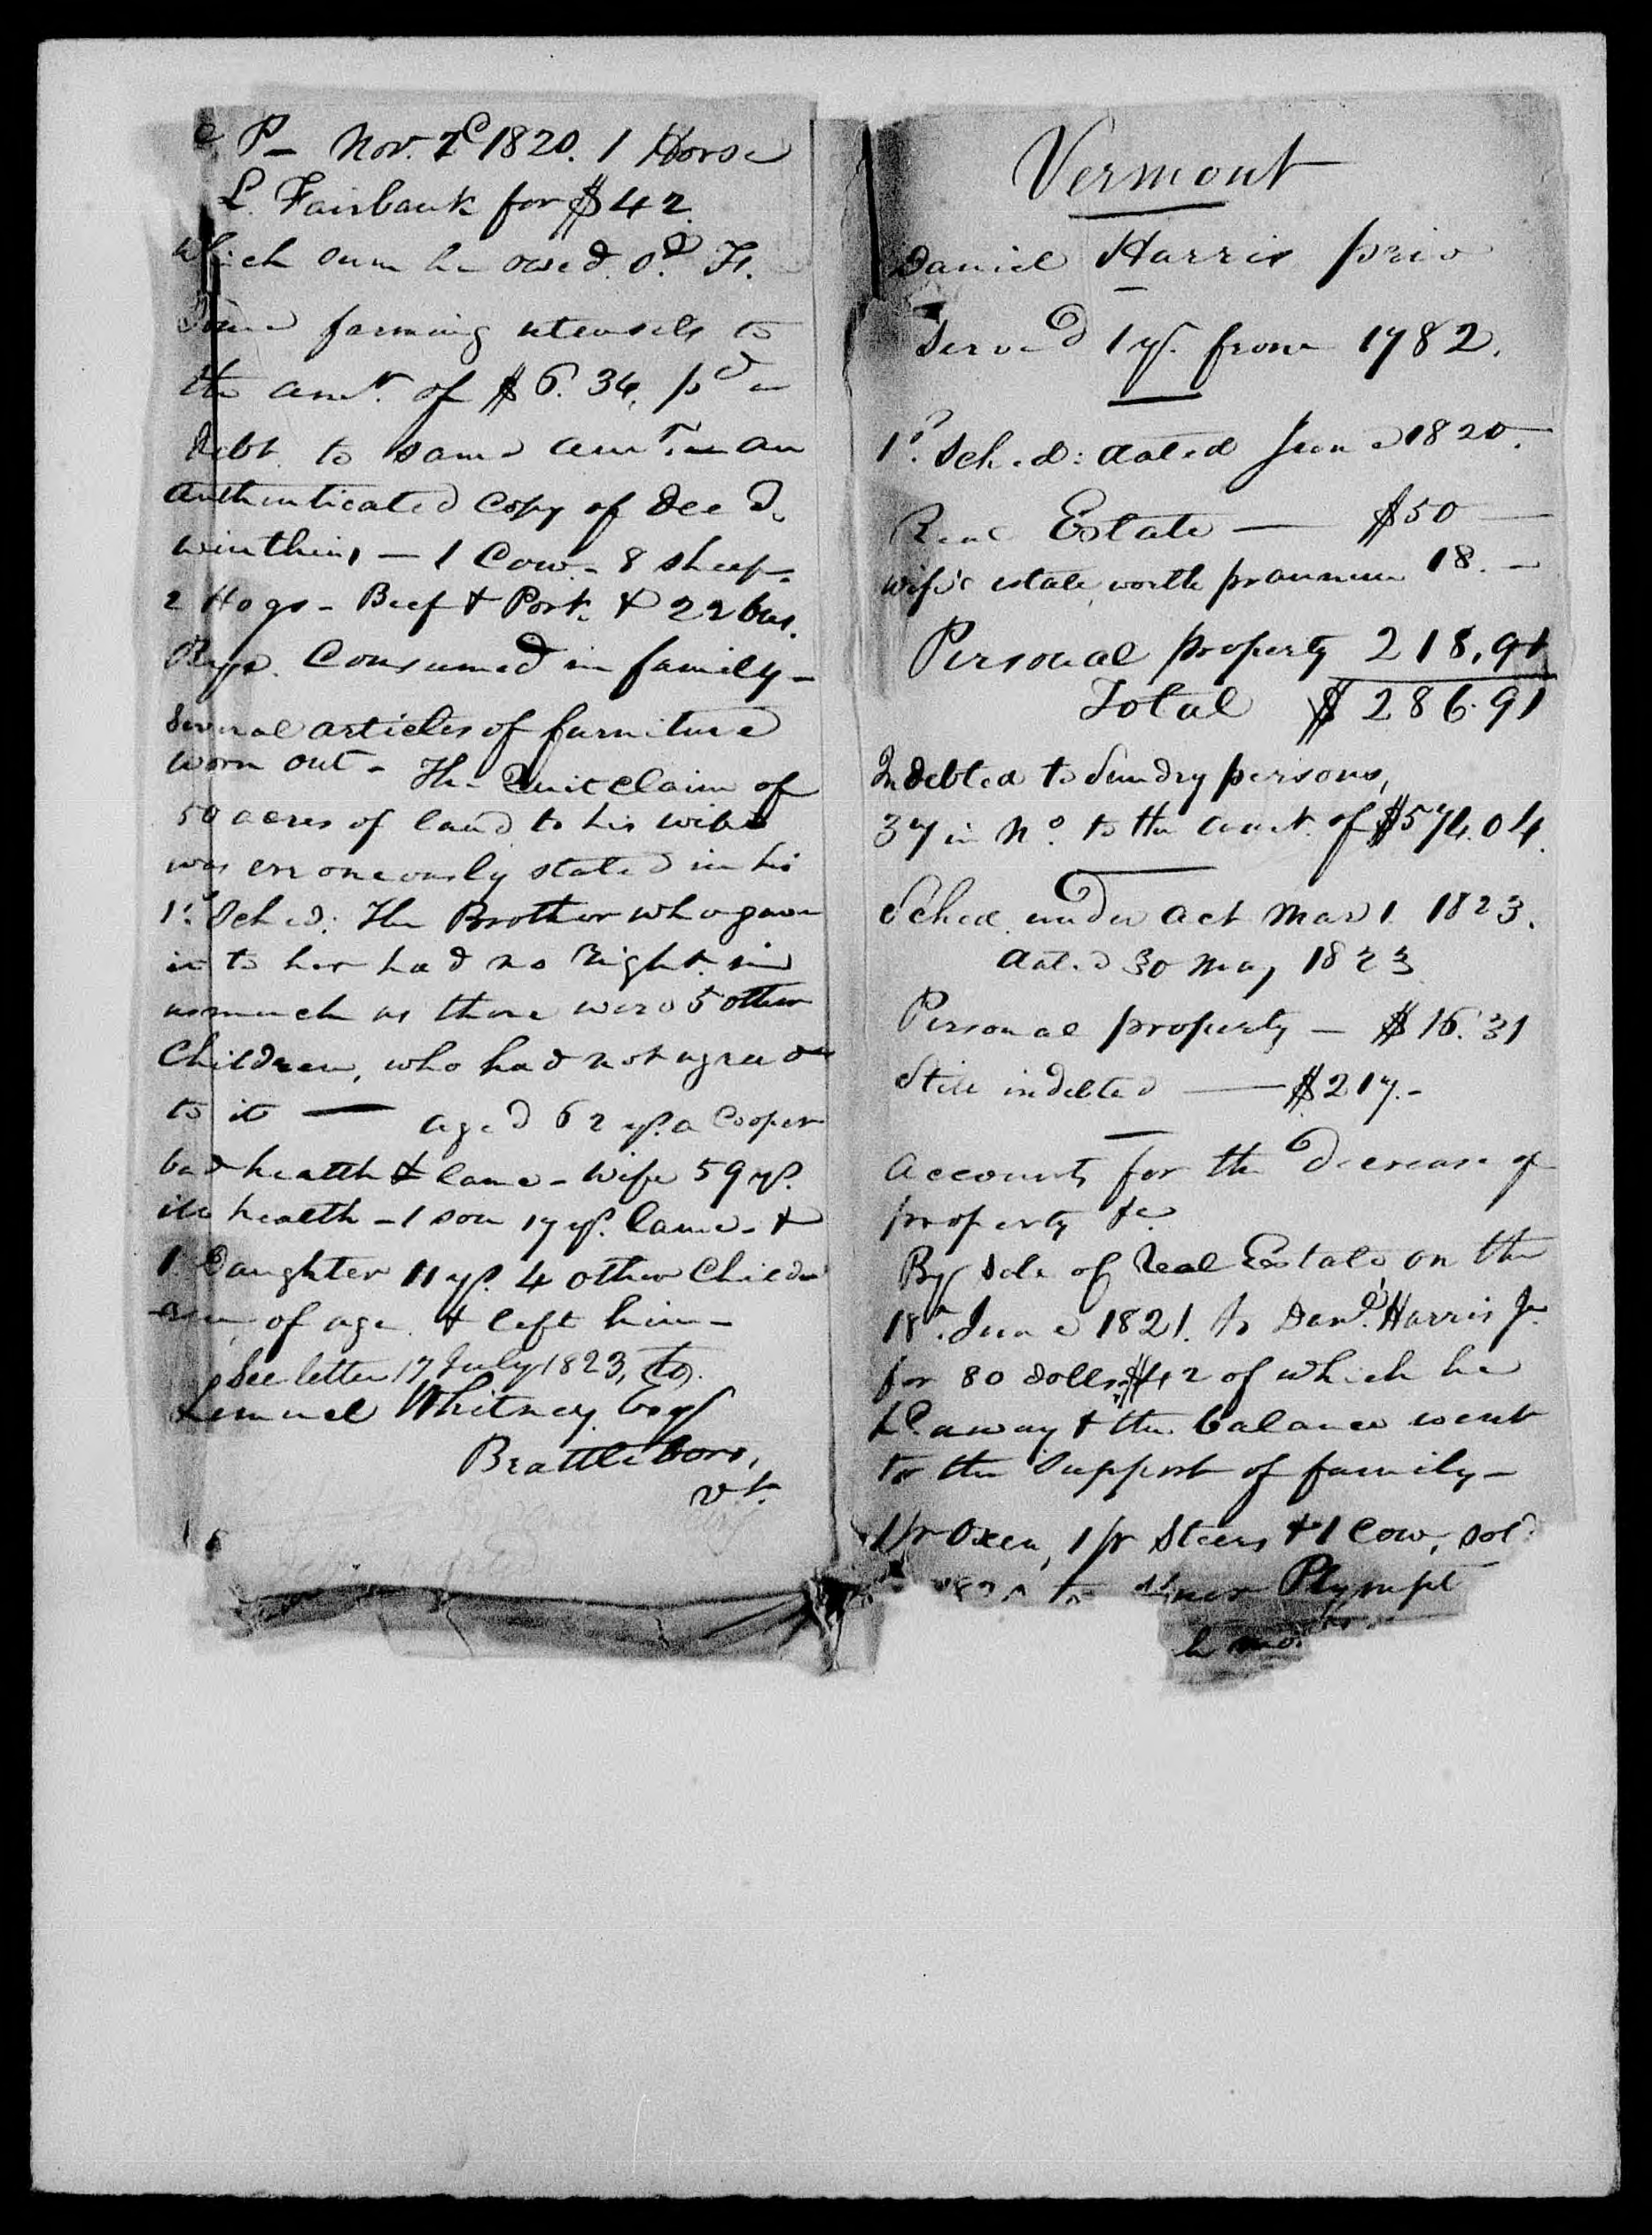(left side of page)

P-Nov 2d 1820  1 Horse
 L. Fairbank for $42
which own he owed (illegible) F. 
(illegible) farming utensils is 
the amt. of $6.36 pd on
 debt to same (illegible) an 
Authenticated copy of deed.
(illegible) 1 cow, 8 sheep,
2 hogs-beef & pork & 2 bus. 
bags consumed in family-
Several articles of furniture
worn out-the Quit claim of
50 acres of land to his wife
was erroneously stated in his
Debted. the Brother who gave
it to her had no right in
as much as there were 5 other
children, who had not agreed
to it--aged 62 years a cooper 
bad health & lame-wife 59 yrs
 ill health-1 son 17 yrs lame-&
1 Daughter 11 yrs. 4 other children
been of age & left him-
See letter 17 July 1923 to
Lemuel Whitney Esq. 
Brattleboro, Vt

(right side of page)

Vermont
Daniel Harris priv.
served 1 yr from 1782
(illegible) sched. dated June 1820
Real Estate  $50.00
wife's estate worth ( illegible)  $18.00
Personal property   $218.91
Total     $286.91
Indebted to Sundry persons
37 in No. to the amt. of $576.06
Sched. under act mar 1 1823.
dated 30 May 1823
Personal property $16.31
Still indebted    $217.00
Accounts for the decrease of 
property pd
By sale of Real Estate on the 
18th June 1821 to Danl. Harris Jr
for 80 dollars 12 of which he
pd away & the balance spent
to the support of family.
(illegible) oxen, 1 pr steers & 1 cow sold
        1820 to Abner Plympton



(document has some fraying/damage resulting in missing/illegible text)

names: Daniel Harris, Lemuel Whitney, Danl Harris, L Fairbank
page: 40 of 68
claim: survivor's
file: S. 29,877, Daniel Harris, Mass.